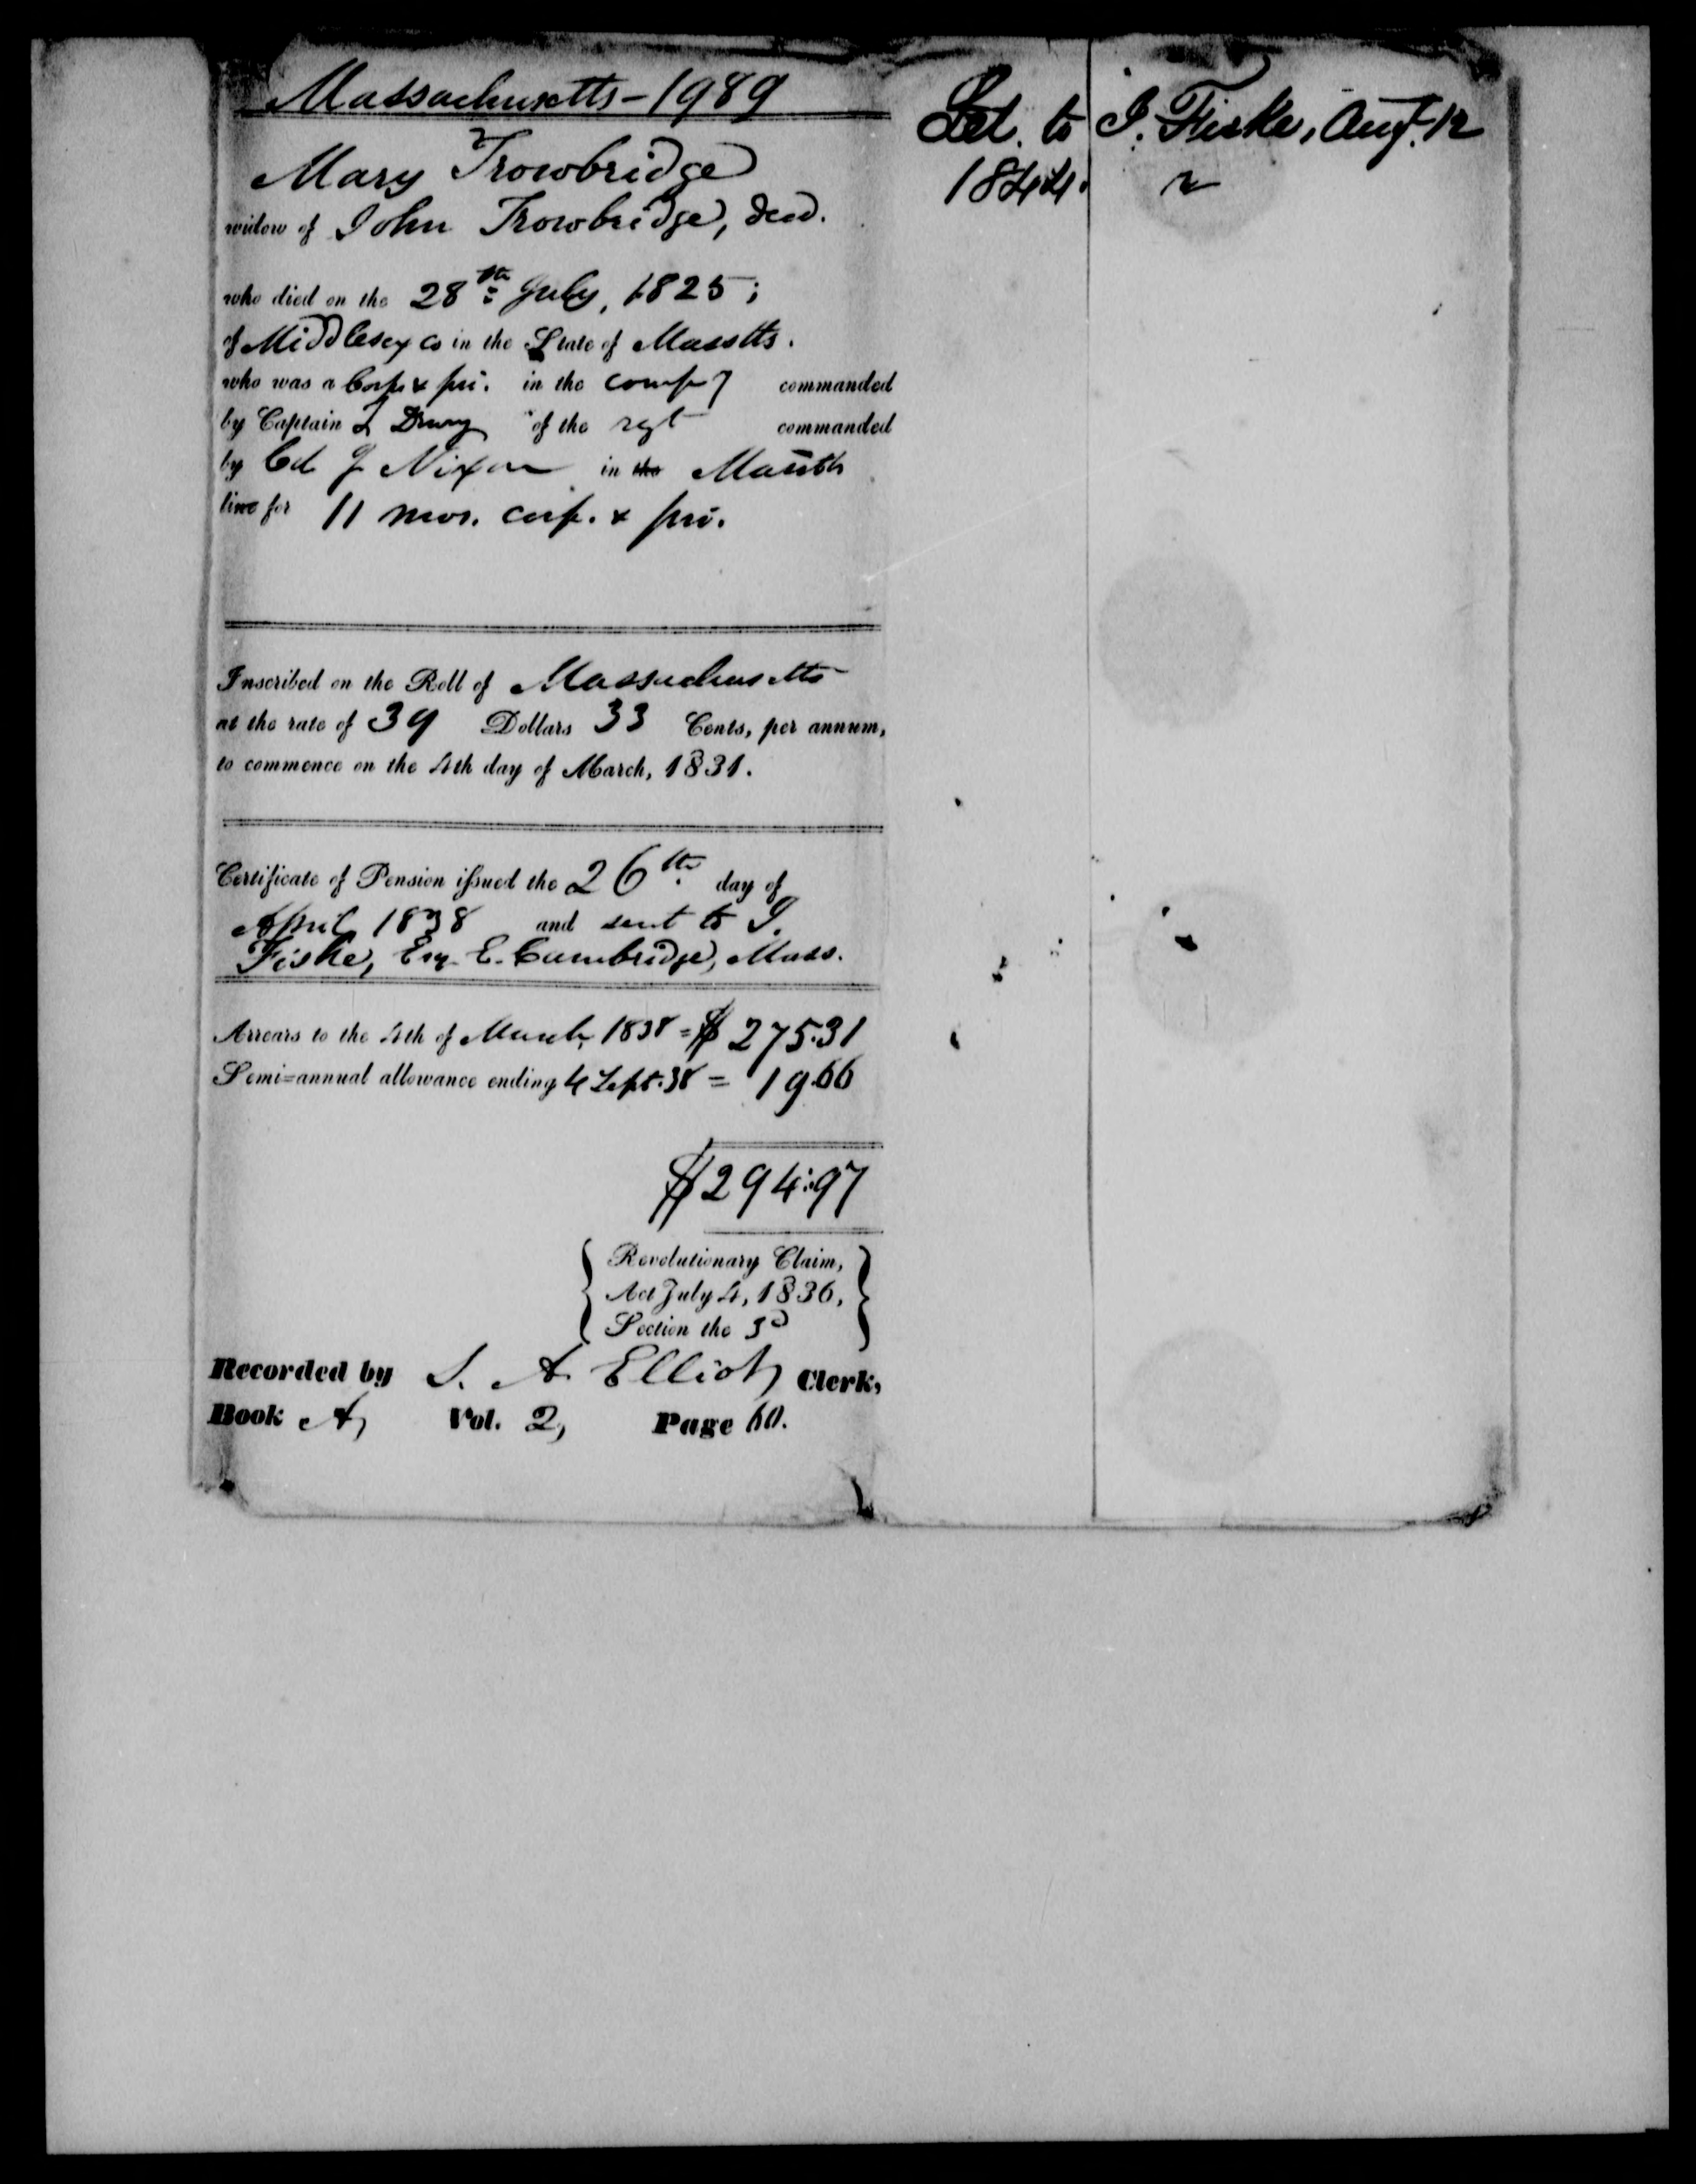Massachusetts- 1989
Mary Trowbridge
widow of John Trowbridge, decd
who died on the 28th July, 1825,
Middlesex Co in the State of Masstts.
who was a corp. & pri. in the compy commanded
by Captain I Drury of the regt
commanded
by
J Nixon in Massth
line for 11 mos. corp. & pri.
Inscribed on the Roll of Massachusetts
as the rate of 39 Dollars 33 Cents per annum,
to commence on the 4th day of March, 1831.
Certificate of Pension issued the 26th day of
April 1838 and sent to
I. Fiske, Esq, E. Cambridge, Mass

Arrears to the 4th of March 1838 $275.31
Semi-annual allowance ending 4 Sept. 38 = 19.66
-
$294.97
{Revolutionary Claim,
Act July 4, 1836,
Section the 3d}
Recorded by
S. A. Elliott Clerk,
Book A, Vol. 2, Page 60.

Let. to I. Fiske, Augt 12 1844.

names: John Trowbridge, Nixon, I Fiske, S A Elliot, Mary Trowbridge, I Fiske, Drury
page: 16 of 34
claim: widow's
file: W. 15439, John Trowbridge, Mass.